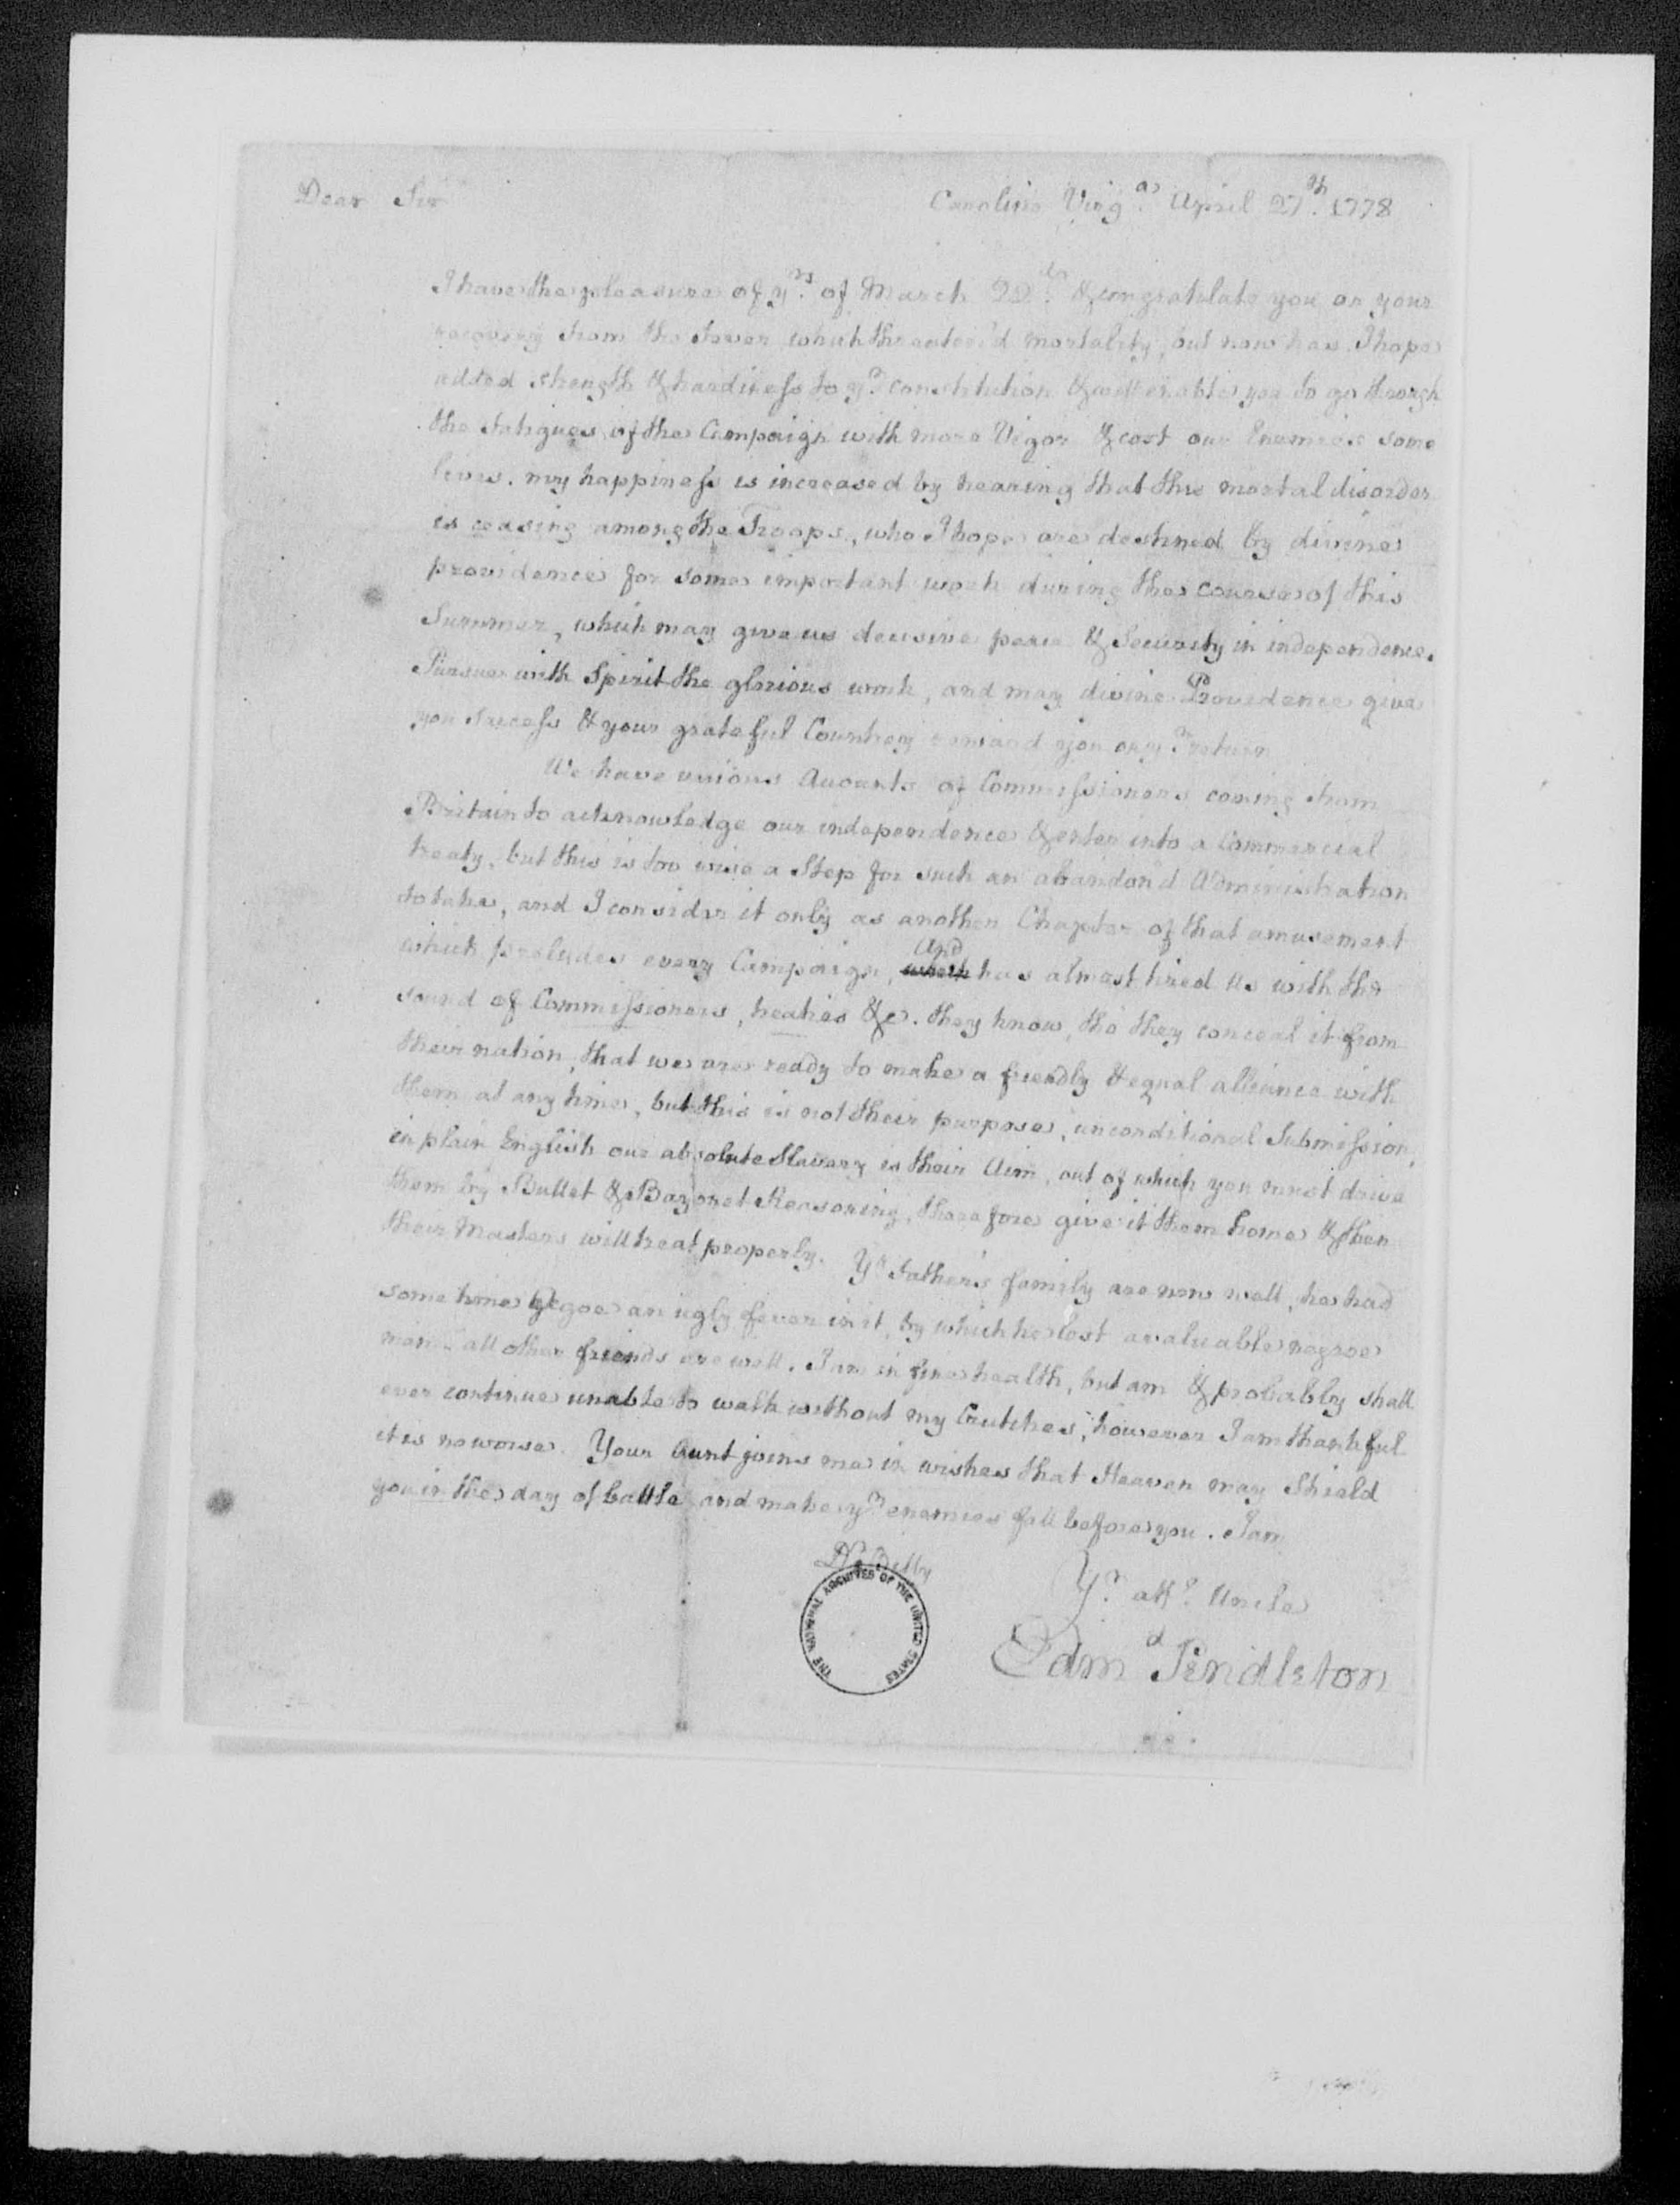Carolina Virga. April 27th.  1778
Dear Sir 
I have the pleasure of yrs. of March 22d.; &[and] congratulate you on your recovery from the Fever which threaten'd mortality, and now has I hope added strength &[and] hardiness to yr. constitution &[and] will enable you to go through the fatigues of the Campaign with more Vigor &[and] cost our Enemies some tears.  my happiness is increased by hearing that this mortal disorder is ceasing among the Troops, who I hope are destined by divine providence for some important work during the course of this Summer, which may give us decisive peace &[and] Security in independence. Pursue with Spirit the glorious work, and may divine Providence give you success &[and] your grateful Country reward you on yr. return.
We have various Accounts of Commissioners coming from Britain to acknowledge our independence &[and] enter into a Commercial treaty, but this is too wide a Step for such an abandon'd Administration to take, and I consider it only as another Chapter of that amusement which preludes every Campaign, [cross out] which [end cross out] and has almost tired us with the sound of Commissioners, treaties &c. [et cetera]  They know tho they conceal it from their nation, that we are ready to make a friendly &[and] equal alliance with them at any time, but this is not their purpose, unconditional Submission, in plain English our absolute Slavary is their Aim, out of which you must drive them by Bullet &[and] Bayonet Reasoning, therefore give it them home &[and] then their Masters will heal properly.  Yr. father's family are now well, has had some time negoe an ugly fever in it, by which he'd lost a valuable negroe most all other friends are well. I am in finest health, but am &[and] probably shall ever continue unable to walk without my Crutches,however I am thankful it is no worse. Your Aunt joins me in wishes that Heaven may shield you in this day of battle and make yr. enemies fall before you. I am Yr. affe. Uncle
Edmd. Pendleton

D. Belby

[circular seal with The National Archives of the United States inscribed inside]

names: Edmd Pendleton, Bazane, Bullet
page: 35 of 267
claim: widow's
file: W. 4,149, William Campbell, Va.